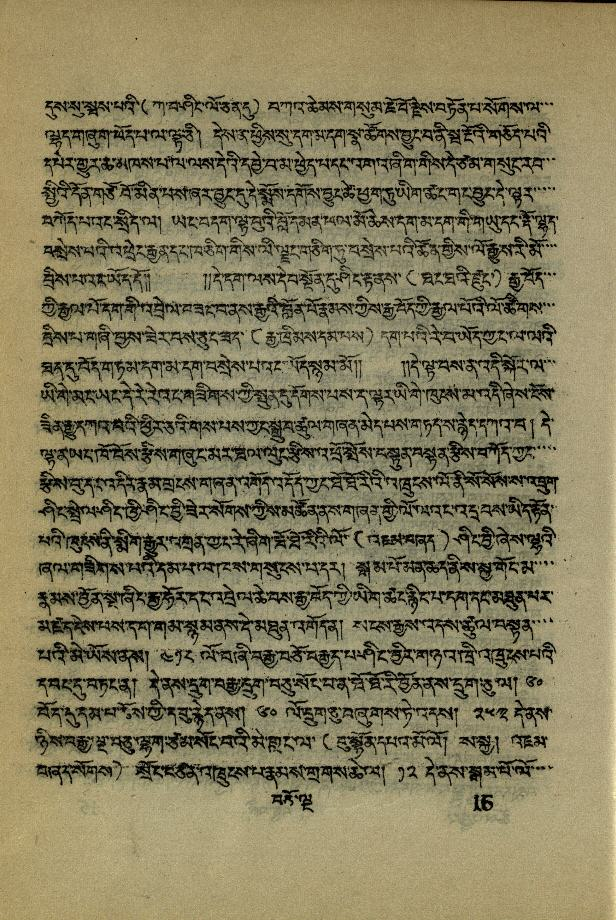དུས་སུ་སྦས་པའི་ཀ་བ་ཤིང་ལོ་ཅན་དུ་བཀའ་ཆེམས་གསུམ་ཇོ་བོ་རྗེས་བཏོན་པ་སོགས་ལ་
ལྷད་གཞུག་ཕོད་པ་ལ་ལྟ་ཅི། དེས་ན་ཕྱིས་སུ་དག་མ་དག་སྣ་ཚོགས་བྱུང་བ་ནི་སྦ་རྔོའི་གཅོད་པའི་
དཔེར་གྱུར་ཆ་མཁས་པ་ལ་ལས་དེའི་དབྱེ་བ་མ་ཕྱེད་པ་དང་འགའ་ཞིག་གིས་དེ་ཙམ་གསུང་རབ་
སྤྱིའི་དོན་གཙོ་བོ་མིན་པས་ཞར་བྱུང་དུ་དེ་སྨོས་དགོས་བྱུང་ཚེ་ཕྱག་ཏུ་ཡིག་ཚང་གང་བྱུང་དེ་ལྟར་
བཀོད་པའང་སྲིད་ལ། ཡང་བདག་ལྟ་བུའི་བློ་དམན་ཕལ་མོ་ཆེས་དག་མ་དག་གི་གཡུ་དང་རྡོ་ལྷད་
བསྲེས་པའི་འཕྲེང་རྒྱན་དང་ཁ་ཅིག་གིས་ལི་ལྗང་གཅིག་ཏུ་བསྲེས་པའི་ཚོན་གྱིས་ལོ་རྒྱུས་རི་མོ་
བྲིས་པའང་ཡོད་དོ།། །།དེ་དག་ལས་དེབ་སྔོན་དུ་ཤིང་རྟ་ནས་ཐང་ཐའི་རྫུང་རྒྱ་བོད་
ཀྱི་རྒྱལ་པོ་དག་གི་འབྲེལ་བཟང་བ་ནས་རྒྱའི་བློན་པོ་རྣམས་ཀྱིས་རྒྱ་བོད་ཀྱི་རྒྱལ་པོའི་ལོ་ཚིགས་
བྲིས་པ་གཞི་བྱས་ཟེར་བས་ཅུང་ཟད་རྒྱ་ཁྲིམས་དམ་པས་དག་པའི་རེ་བ་ཡོད་ཀྱང་ལ་ལའི་
ཐད་དུ་བོད་གཏམ་དག་མ་དག་བསྲེས་པའང་ཡོད་སྙམ་མོ།། །།དེ་ལྟ་བས་ན་འདི་སྐོར་ལ་
ཡི་གེ་མང་ཡང་དེ་རེ་རེའང་གཟིགས་ཀྱི་སྤུན་དུ་དོགས་པས་ད་ལྟར་ཡི་གེ་ཁུངས་མ་འདི་ཞེས་ངོས་
ཟིན་རྒྱུ་དཀའ་བའི་ཕྱིར་ཅའི་གས་པས་ཀྱང་སྒྲུབ་ཚུལ་གཞན་མེད་པས་གཏད་ས་རྙེད་དཀའ་བ། དེ་
ལྟ་ན་ཡང་ཁོ་བོས་རྩིས་གཞུང་མར་ཐལ་ལུང་རྩིས་འཕྲོ་སྦོས་བསྟུན་བསྟན་རྩིས་བཀོད་ཀྱང་
རྩིས་བུ་དང་འདིར་རྣམ་གྲངས་གཞན་འགོད་འདོད་ཀྱང་ཐོ་ཐོ་རིའི་འཁྲུངས་ལོ་ནི་སོ་སོས་ས་འབྲུག་
ཤིང་སྦྲེལ་ཤིང་ཁྱི་ཤིང་བྱི་ཟེར་སོགས་ཀྱིས་མཚོན་ནས་གཞན་གྱི་ལོ་ལའང་འདྲ་བས་ཡིད་རྟོན་
པའི་ཁུངས་ནི་སྨིག་རྒྱུར་འགྲན་ཀྱང་རེ་ཞིག་ཐོ་ཐོ་རིའི་ལོ་འཇམ་བཞད་ཤིང་བྱི་ཞེས་ལྷའི་
ཞལ་གཟིགས་བའི་དམ་པ་ལ་ཁས་གསུངས་པ་དར། སྒམ་པོ་མན་ཆད་ནི་ས་སྐྱ་གོང་མ་
རྣམས་བྱོན་སྔ་ཞིང་རྒྱ་ཧོར་དང་འབྲེལ་ཆེ་བས་རྒྱ་བོད་ཀྱི་ཡིག་ཚང་རྙིང་པ་དག་དང་མཐུན་པར་
མཛད་ངེས་པས་དག་གམ་སྙམ་ནས་དེ་མཐུན་འགོད་ན། སངས་རྒྱས་འདས་ཚུལ་བསྟན་
པའི་མེ་ཡོས་ནས། ༤༡༨་ལོ་བཞི་བརྒྱ་བཅོ་བརྒྱད་པ་ཤིང་བྱིར་གཉའ་ཁྲི་འཁྲུངས་པའི་
དབང་དུ་བཏང་ན། དེ་ནས་དྲུག་བརྒྱ་དྲུག་བཅུ་སོང་བ་ན་ཐོ་ཐོ་རི་བྱོན་ནས་དྲུག་ཅུ་ལ། ༦༠
བོད་དུ་དམ་པ་ཆོས་ཀྱི་དབུ་རྙེད་ནས། ༦༠་ལོ་དྲུག་ཅུ་བཞུགས་ཏེ་འདས། ༢༥༣་དེ་ནས་
ཉིས་བརྒྱ་ལྔ་བཅུ་ལྷག་ཙམ་སོང་བའི་མེ་གླང་ལ་བུ་སྟོན་དཔའ་མོ་ལོ། ས་སྐྱ། འཇམ་
བཞད་སོགས་སྲོང་བཙན་འཁྲུངས་པ་རྣམས་གྲགས་ཆེ་ལ། ༡༢་དེ་ནས་སྒམ་པོ་ལོ་